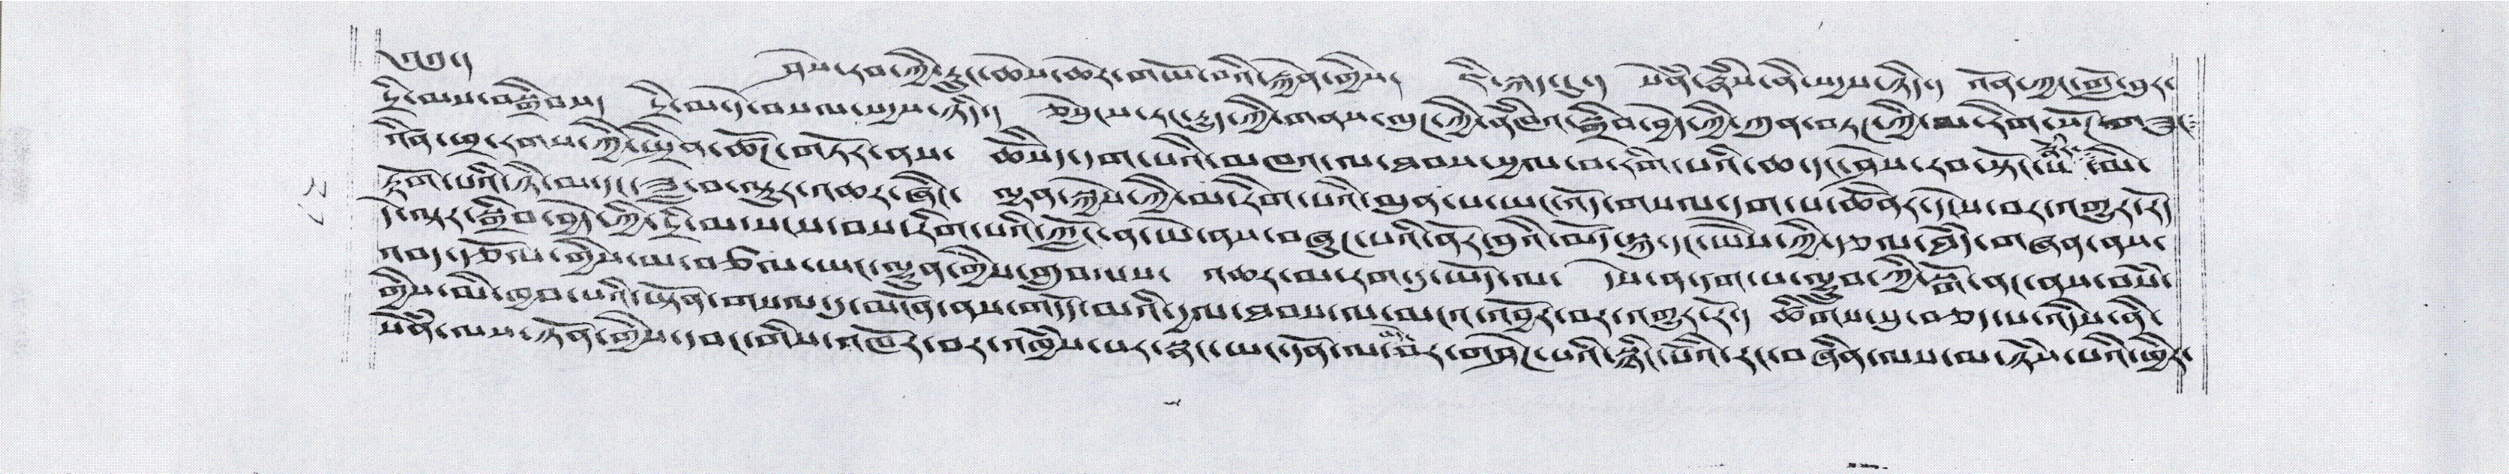ཤེས་རབ་ཀྱི་རླུང་ཆེས་ཆེར་གཡོ་བའི་རྐྱེན་གྱིས། ཇི་སྐད་དུ། སེམས་ཅན་རྣམས་ནི་སངས་རྒྱས་ཉིད། འོན་ཀྱང་གློ་བུར་
དྲི་མས་བསྒྲིབས། དྲི་མ་དེ་བསལ་སངས་རྒྱས་ཉིད། ཅེས་གསུངས། རང་རྒྱུད་ཀྱི་གནས་ལུགས་ཀྱི་ནམ་མཁའ་སྒྲིབ་བྱེད་ཀྱི་ཀུན་བཏགས་ཀྱི་མ་རིག་སོགས་གཟུང་
འཛིན་ཕྲ་རགས་ཀྱི་སྤྲིན་ཚོགས་གཏོར་ནས་ཆོས་ཉིད་དག་པའི་མཁའ་ལ་ཐབས་གསལ་བ་རིག་པའི་ཆ་དང་ཤེས་རབ་སྟོང་པ་རྣམ་པར་མི་
རྟོག་པའི་ཉི་མ་དང་ཟླ་བ་ལྟ་བུར་འཆར་ཞིང་། ལྷན་སྐྱེས་ཀྱི་མ་རིག་པའི་མུན་པ་ཡང་འོད་གསལ་དག་པ་ཆེན་པོར་དེངས་པར་འགྱུར་རོ། 
དེ་ལྟར་སྒྲིབ་བྱེད་ཀྱི་དྲི་མ་སངས་པས་རིག་པའི་ཀློང་ན་ཡེ་ནས་བཞུགས་པའི་ནོར་བུའི་མཛོད་སྐུ་དང་ཡེ་ཤེས་ཀྱི་རྩལ་ཐམས་ཅད་གཞན་ནས་
འབད་རྩོལ་གྱི་མ་བཙལ་ཡང་ལྷུན་གྱིས་གྲུབ་པས་འཆར་མ་རག་ཏུ་ཡོད་ལ། དེས་ན་དག་པ་ལྷུན་གྲུབ་ཀྱི་སྒོ་ནང་ནས་བསམ་
གྱིས་མི་ཁྱབ་པའི་ཡོན་ཏན་གསལ་དུ་མངོན་ནས་གདོད་མའི་རྒྱལ་ཐབས་ལ་མངའ་འབྱོར་བར་འགྱུར་རོ། ཚིགས་སུ་བཅད་པ་འདིས་ནི་
སེམས་ཅན་ལས་ཉོན་གྱི་དབང་གིས་འཁོར་བར་འཁྱམས་པར་སྣང་ཡང་དོན་ལ་བདེ་བར་གཤེགས་པའི་སྙིང་པོའི་རང་བཞིན་ལས་མ་ཉམས་པའི་ཕྱིར་